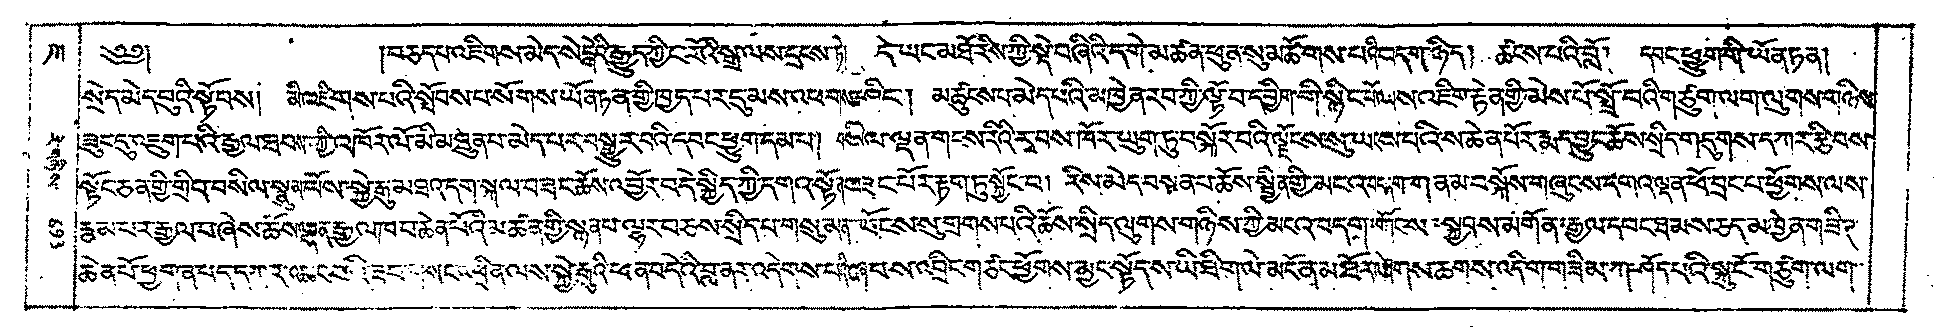༄༅། །བཅད་པ་འཇིགས་མེད་སེངྒེའི་རྒྱུད་ཀྱི་ང་རོའི་སྒྲ་ལས་དྲངས་ཏེ། དེ་ཡང་མཐོ་རིས་ཀྱི་སྡེ་བཞིའི་དགེ་མཚན་ཕུན་སུམ་ཚོགས་པའི་བདག་ཉིད། ཚངས་པའི་བློ། དབང་ཕྱུག་གི་ཡོན་ཏན།
སྲིད་མེད་བུའི་སྟོབས། མི་འཇིགས་པའི་སྤོབས་པ་སོགས་ཡོན་ཏན་གྱི་ཁྱད་པར་དུ་མས་འཕགས་ཤིང་། མཚུངས་པ་མེད་པའི་མཁྱེན་རབ་ཀྱི་ལྟོ་བ་དབྱིག་གི་སྙིང་པོ་ལས་འཇིག་རྟེན་གྱི་མེས་པོ་སྤྲོ་བའི་གཙུག་ལག་ལུགས་གཉིས་
ཟུང་དུ་འཇུག་པའི་རྒྱལ་ཐབས་ཀྱི་འཁོར་ལོ་མི་མཐུན་པ་མེད་པར་བསྒྱུར་བའི་དབང་ཕྱུག་དམ་པ། བསིལ་ལྡན་གངས་རིའི་རྭ་བས་ཁོར་ཡུག་ཏུ་བསྐོར་བའི་ལྗོངས་སུ་ཡངས་པའི་ས་ཆེན་པོར་རྨད་བྱུང་ཆོས་སྲིད་གདུགས་དཀར་རྩིབས་
སྟོང་ཅན་གྱི་གྲིབ་བསིལ་སྣུམ་པོས་སྐྱེ་རྒུ་མཐའ་དག་སྐལ་བཟང་ཆོས་འབྱོར་བདེ་སྐྱིད་ཀྱི་དགའ་སྟོན་བཟང་པོར་རྟག་ཏུ་སྐྱོང་བ། རིས་མེད་བསྟན་པ་ཆོས་སྦྱིན་གྱི་མངའ་བདག་གནམ་བསྐོས་གཞུང་ས་དགའ་ལྡན་ཕོ་བྲང་པ་ཕྱོགས་ལས་
རྣམ་པར་རྒྱལ་བ་ཞེས་ཆོས་ལྡན་རྒྱལ་ཁབ་ཆེན་པོའི་མཚན་གྱི་སྙན་པ་ལྷར་བཅས་སྲིད་པ་གསུམ་ན་ཡོངས་སུ་གྲགས་པའི་ཆོས་སྲིད་ལུགས་གཉིས་ཀྱི་མངའ་བདག་༧གོང་ས་༧སྐྱབས་མགོན་༧རྒྱལ་དབང་ཐམས་ཅད་མཁྱེན་གཟིགས་
ཆེན་པོ་ཕྱག་ན་པད་དཀར་འཆང་བའི་ཟབ་གསང་འཕྲིན་ལས་སྐྱེ་རྒུའི་ཕན་བདེའི་བླ་ནར་འདེགས་པའི་ཞབས་འབྲིང་གཙང་ཕྱོགས་མྱང་སྟོད་ས་ཡི་ཐིག་ལེ་མངོན་མཐོར་ལེགས་ཆགས་འདི་ག་གཟིམ་ཀ་ཤོད་པའི་སྐུ་ངོ་གཙུག་ལག་